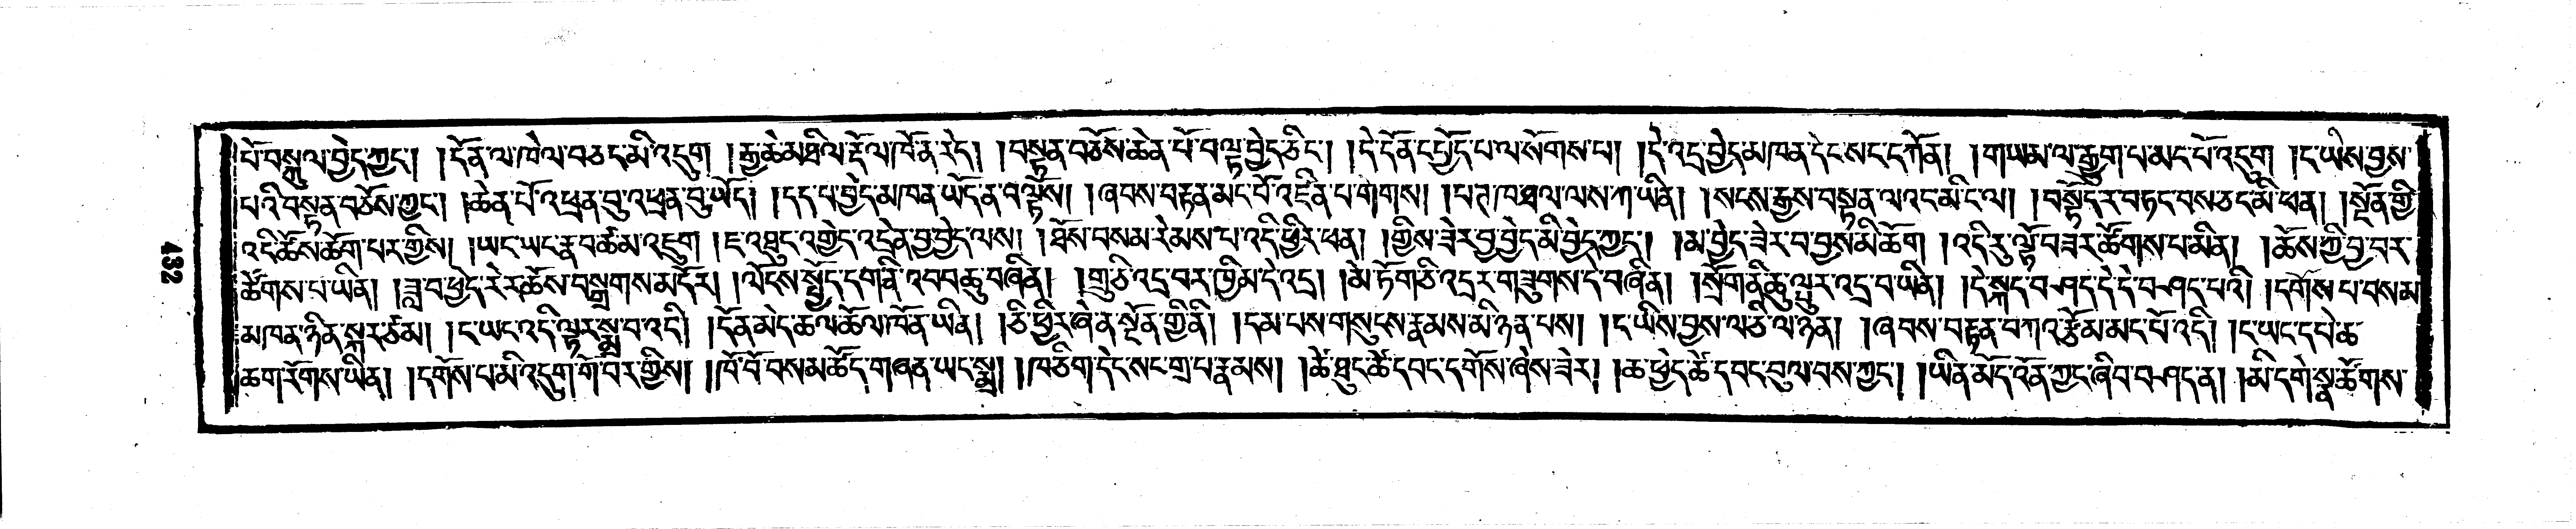པོ་བསྐུལ་བྱེད་ཀྱང་། དོན་ལ་ཁེལ་བཅང་མི་འདུག །རྒྱ་ཆེ་མཐིལ་རྡོལ་ཁོ་ན་རེད། བསྟན་བཅོས་ཆེན་པོ་བལྟ་བྱེད་ཅིང་། །དེ་དོན་དཔྱོད་པ་ལ་སོགས་པ། །དེ་འདྲ་བྱེད་མཁན་དེང་སང་དཀོན། །གཡུམ་ལ་རྒྱུག་པ་མང་པོ་འདུག །ང་ཡིས་བྱས་
པའི་བསྟན་བཅོས་ཀྱང་། །ཆེན་པོ་འཕྲན་བུ་འཕྲན་བུ་ཡོད། །དད་པ་བྱེད་མཁན་ཡོད་ན་བལྟོས། །ཞབས་བརྟན་མང་པོ་འཛིན་པ་གེགས། །པཊ་ཁ་ཐལ་ལས་ཀ་ཡིན། །སངས་རྒྱ་བསྟན་ལའང་མི་ང་ལ། །བསྟོད་ར་བཏང་བས་ཅང་མི་ཕན། །སྔོན་གྱི་
འདི་ཚོས་ཆོག་པར་གྱིས། །ཡང་ཡང་རྣ་བ་ཚ་མ་འཇུག །ཇ་འཐུང་འགྱེད་འདྲེན་བྱ་བྱེད་ལས། །ཐོས་བསམ་རེམས་པ་འདི་ཕྱིར་ཕན། །གྱིས་ཟེར་བྱ་བྱེད་མི་བྱེད་ཀྱང་། །མ་བྱེད་ཟེར་བ་བྱས་མི་ཆོག །འདི་རུ་ལྟོ་བཟར་ཚོགས་པ་མིན། །ཆོས་ཀྱི་བྱ་བར་
ཚོགས་པ་ཡིན། །ཟླ་བ་ཕྱེད་རེར་ཆོས་བསྒྲགས་མདོར། །ལོངས་སྤྱོད་དག་ནི་འབབ་ཆུ་བཞིན། །གྲུ་ཅི་འདྲ་བར་ཁྱིམ་དེ་འདྲ། །མེ་ཏོག་ཅི་འདྲར་གཟུགས་དེ་བཞིན། །སྲོག་ནི་ཆུ་ལྤུར་འདྲ་བ་ཡིན། །དེ་སྐད་བཤད་དེ་དེ་བཤད་པའི། །དགོས་པ་བསམ་
མཁན་ཉིན་སྐར་ཙམ། །ང་ཡང་འདི་ལྟར་སྨྲ་བ་འདི། །དོན་མེད་ཆལ་ཆོལ་ཁོ་ན་ཡིན། །ཅི་ཕྱིར་ཞེ་ན་སྔོན་གྱི་ནི། །དམ་པས་གསུངས་རྣམས་མི་ཉན་པས། །ང་ཡིས་བྱས་ལ་ཅི་ལ་ཉན། །ཞབས་བརྟན་བཀའ་རྩོམ་མང་པོ་འདི། །ང་ཡང་དཔེ་ཆ་
ཆག་རོགས་ཡིན། །དགོས་པ་མི་འདུག་གོ་བར་གྱིས། །ཁོ་བོ་བསམ་ཚོད་གཞན་ཡང་སྨྲ། །ཁ་ཅིག་དེང་སང་གྲ་པ་རྣམས། །ཚེ་ཐུང་ཚེ་དབང་དགོས་ཞེས་ཟེར། །ཆ་ཕྱེད་ཚེ་དབང་བུལ་བས་ཀྱང་། །ཡིན་མོད་འོན་ཀྱང་ཞིབ་བཤད་ན། །མི་དགེ་སྣ་ཚོགས་